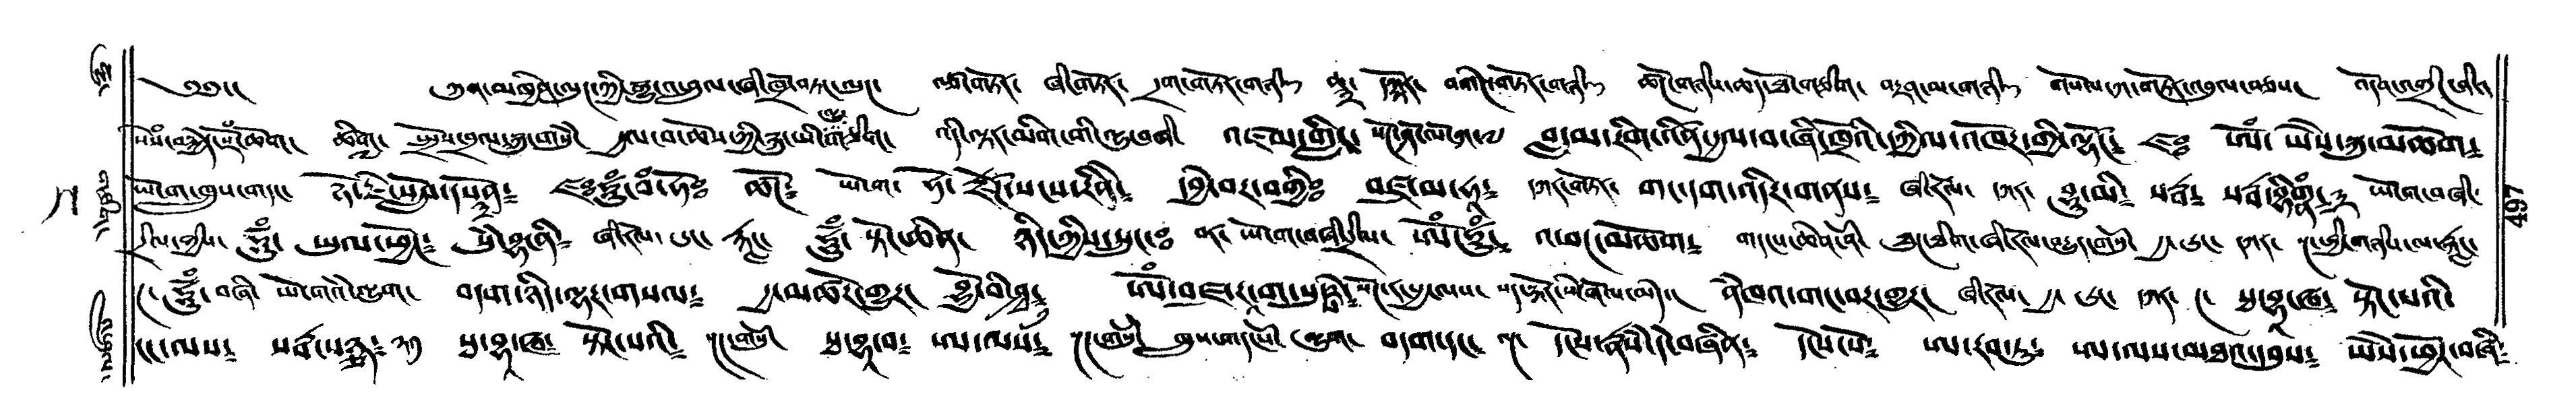ཀུན་མཁྱེན་ལུགས་ཀྱི་སྒྱུ་འཕྲུལ་ཞི་ཁྲོ་གཏོང་ལུགས། རྩ་གཏོར། ཞི་གཏོར། དྲག་གཏོར་གཉིས། ཆ་གསུམ། དཀར་གཏོར། བགེགས་གཏོར་གཉིས། ཚོགས་གཉིས་ཆད་ཐོ་གཅིག བརྟན་མ་གཉིས། གསོལ་ཀ་གཏོར་འབུལ་བཅས། འདོན་འགྲིགས་ནི། 
སེམས་སྐྱེད་སྡོམ་ཆོག ཚིག་བདུན། སྤྲོས་བྲལ་སྐུ་གསུམ། རྒྱལ་བ་ཆོས་ཀྱི་སྐུ་ཡི་ལྟ་བུ་གཅིག འདི་ལྟར་མིག་གི་ལྟ་བུ་བཞི། འཛམ་གླིང་སོགས་ཤོ་ལོ་ཀ་བདུན། བླ་མ་རིག་འཛིན་རྒྱལ་བ་ཞི་ཁྲོའི་དཀྱིལ་འཁོར་གྱི་ལྷ་ཚོགས༴ ཛཿ ཨོཾ། ཡེ་ཤེས་སྐུ་མཆོག༴ 
ཡོ་ག་ཁྲུས་གདངས། རྡོ་རྗེ་སློབ་དཔོན༴ གསུམ། ཛཿཧཱུྂ་བཾ་ཧོཿ ཚོགས༴ ཡོ་ག ཧོ། རྫོགས་སངས་རིན་ཆེན༴ དབྱེ་བར་བགྱི། བཛྲ་མ་ཧཱ༴ དཀར་གཏོར། གང་དག་འདིར་གནས༴ ཞི་རོལ། དཀར། བྷུ་མི༴ སརྦ༴ སརྦ་བྷིགྣཾ༴ གསུམ། ཡོ་ག་བཞི་
དྲིལ་གྱིས། ཧཱུྃ། ཡུལ་ཕྱོགས༴ ཞི་རོལ། དུང་། རྐང་བཞི། ཧཱུྃ། སྟོང་ཆེ༴ ཉིད་ཀྱིས་སྲུང་། བར། ཡོ་ག་བཞི་དྲིལ། ཨོཾ་ཧཱུྃ། འཕགས་མཆོག༴ གདངས་ཆེན་ནམ། ཐུགས་ཐིག་ཞི་རོལ་བརྒྱུད་གསུམ། རྒྱ། དཀར། སྔ་ཕྱི་གཉིས་ལ་རྐང་བཞི། 
རྔ། ཧཱུྃ་བཞི། ཡོ་གའམ་ལྷུག བདག་ཉིད་ལྷར་གསལ༴ རྒྱ་མཚོར་གྱུར། བྷྱོ་བི་ཤྭ༴ གཅིག ཨོཾ་བཛྲ་རཱ་ག་པུཥྤེ༴ སོགས་རང་རྒྱ་ལས། པད་སྐོར་སེ་གོལ་མེད། ནམ་མཁའ་གང་བར་གྱུར། ཞི་རོལ། རྒྱ། དུང་། དཀར། ཌཱ། སྭ་བྷཱ་ཝ༴ སྟོང་པའི་
ངང་ལས༴ སརྦ་པཉྩ༴ ཉེར་གཅིག སྭ་བྷཱ་ཝ༴ སྟོང་པའི༴ སྔགས་གསུམ། སྭ་བྷཱ་བ༴ ཨ་ལས༴ སྔགས་གསུམ། ཁྲུས་གདངས་སམ། ལྷུག བདག་དང༴ ལྔ། དངོས་རྣམས་དེ་བཞིན༴ དངོས་པོ༴ ཨ་རབ་ཏུ༴ ཨ་ལས་མཐའ་དབུས༴ ཡེ་ཤེས་ཕྱོགས་བཞི༴